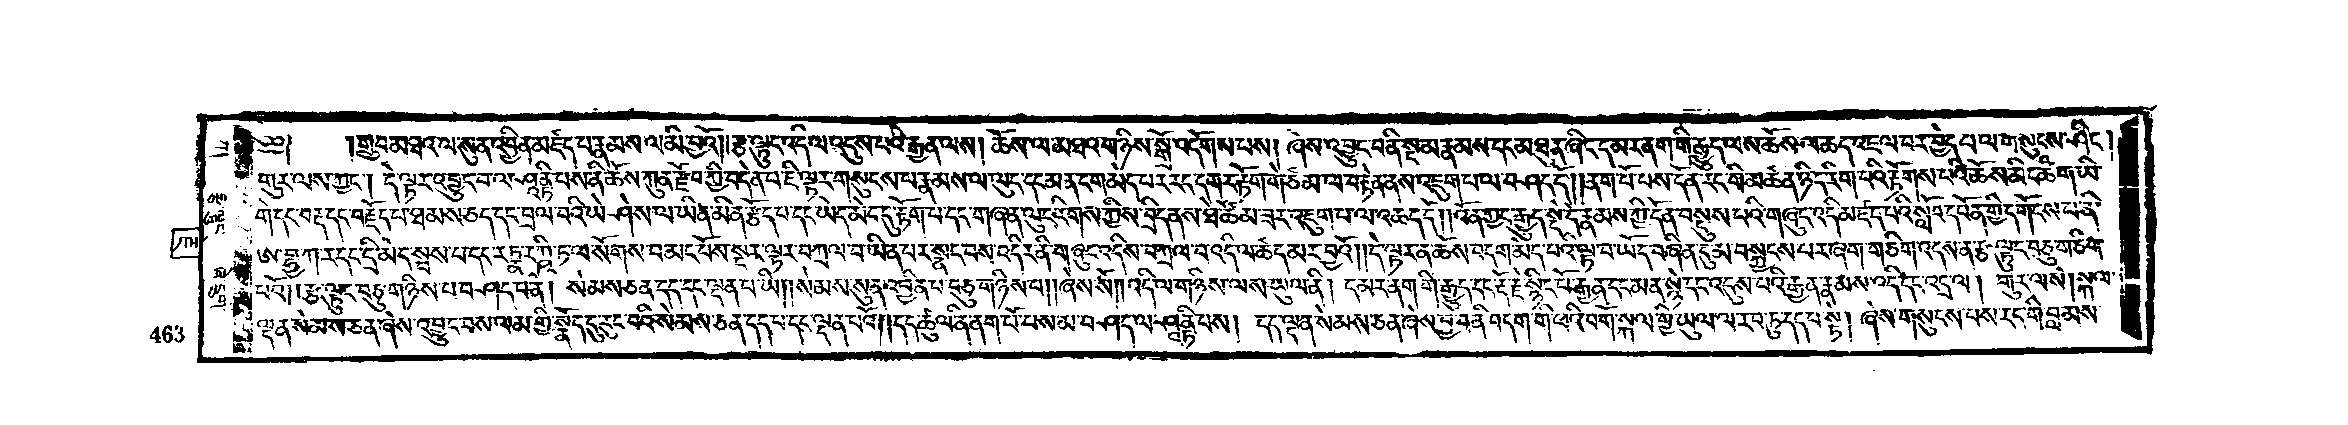༄༅། །གྲུབ་མཐའ་ལ་སུན་འབྱིན་མཛད་པ་རྣམས་ལ་མི་བྱའོ། །རྩ་ལྟུང་འདི་ལ་འདུས་པའི་རྒྱན་ལས། ཆོས་ལ་མཐའ་གཉིས་སྒྲོ་འདོགས་པས། ཞེས་འབྱུང་བ་ནི་སྔ་མ་རྣམས་དང་མཐུན་ཞིང་དམར་ནག་གི་རྒྱུད་ལས་ཆོས་ལ་ཆད་འཇལ་བར་བྱེད་པ་ལ་གསུངས་ཤིང་།
གུར་ལས་ཀྱང་། དེ་ལྟར་འབྱུང་བ་ལ་ཤཱནྟི་པས་ནི་ཆོས་ཀུན་རྫོབ་ཀྱི་བདེན་པ་ཇི་ལྟར་གསུངས་པ་རྣམས་ལ་ལུང་དང་མན་ངག་མེད་པར་རང་དགར་རྟོག་གེ་ཙམ་ལ་བརྟེན་ནས་འཇུག་པ་ལ་བཤད་དོ། །ནག་པོ་པས་དོན་རང་གི་མཚན་ཉིད་རིག་པའི་རྟོགས་པའི་ཆོས་མིང་ཚིག་ཡི་
གེ་དང་བརྡ་དང་བརྗོད་པ་ཐམས་ཅད་དང་བྲལ་བའི་ཡེ་ཤེས་ལ་ཡིན་མིན་རྩོད་པ་དང་ཡེད་མེད་དུ་རྟོག་པ་དང་གཞན་ལུང་རིགས་ཀྱིས་བྲིད་ནས་ཐེ་ཚོམ་ཟར་འཇུག་པ་ལ་འཆད་དོ། །འོན་ཀྱང་རྒྱུད་སྡེ་དེ་རྣམས་ཀྱི་དོན་བསྡུས་པའི་གཞུང་འདི་མཛད་པའི་སློབ་དཔོན་གྱི་དགོངས་པ་ནི་
ཨ་བྷྱ་ཀ་ར་དང་དྲི་མེད་སྦས་པ་དང་རཏྣ་རཀྵི་ཏ་ལ་སོགས་པ་མང་པོས་སྔར་ལྟར་བཀྲལ་བ་ཡིན་པར་སྣང་བས་འདིར་ནི་གཞུང་འདིས་བཀྲལ་བ་འདི་ལ་ཚད་མར་བྱའོ། །དེ་ལྟར་ན་ཆོས་བདག་མེད་པའི་ལྟ་བ་ཡོད་བཞིན་དུ་མ་བསྐྱངས་པར་ཞག་གཅིག་འདས་ན་རྩ་ལྟུང་བཅུ་གཅིག་
པའོ། །རྩ་ལྟུང་བཅུ་གཉིས་པ་བཤད་པ་ནི། སེམས་ཅན་དད་དང་ལྡན་པ་ཡི། །སེམས་སུན་འབྱིན་པ་བཅུ་གཉིས་པ། །ཞེས་སོ། །འདི་ལ་གཉིས་ལས་ཡུལ་ནི། དམར་ནག་གི་རྒྱུད་དང་རྡོ་རྗེ་སྙིང་པོ་རྒྱན་དང་མན་སྙེ་དང་འདུས་པའི་རྒྱན་རྣམས་འདི་དང་འདྲ་ལ། གུར་ལས། ?་སྐལ་
ལྡན་སེམས་ཅན་ཞེས་འབྱུང་བས་ལམ་གྱི་སྣོད་དུ་རུང་བའི་སེམས་ཅན་དད་པ་དང་ལྡན་པའོ། །དད་ཚུལ་ནི་ནག་པོ་པས་མ་བཤད་ལ་ཤཱནྟི་པས། དད་ལྡན་སེམས་ཅན་ཞེས་བྱ་བ་ནི་བདག་གི་ཕའི་བགོ་སྐལ་གྱི་ཡུལ་ལ་རབ་ཏུ་དད་པ་སྟེ། ཞེས་གསུངས་པས་རང་གི་བླ་མས་